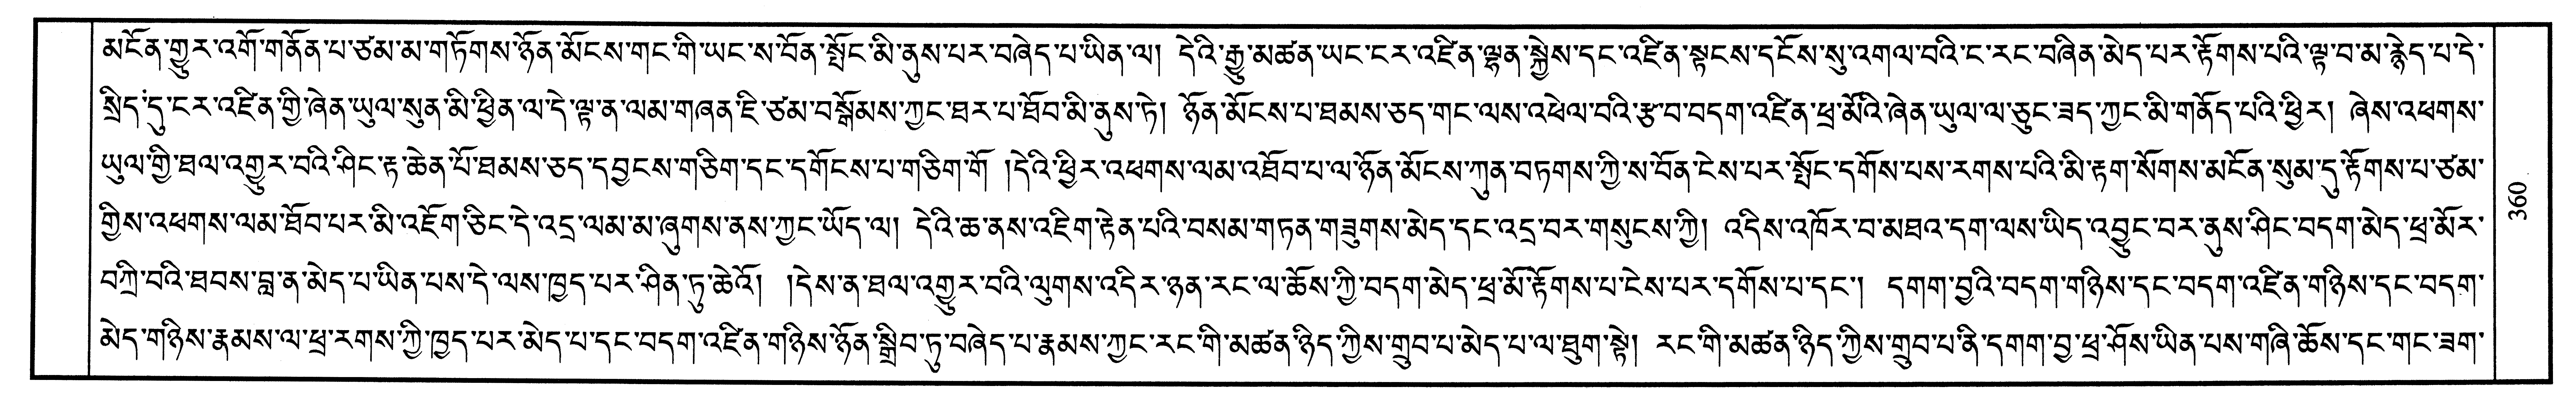མངོན་གྱུར་འགོ་གནོན་པ་ཙམ་མ་གཏོགས་ཉོན་མོངས་གང་གི་ཡང་ས་བོན་སྤོང་མི་ནུས་པར་བཞེད་པ་ཡིན་ལ། དེའི་རྒྱུ་མཚན་ཡང་ངར་འཛིན་ལྷན་སྐྱེས་དང་འཛིན་སྟངས་དངོས་སུ་འགལ་བའི་ང་རང་བཞིན་མེད་པར་རྟོགས་པའི་ལྟ་བ་མ་རྙེད་པ་དེ་
སྲིད་དུ་ངར་འཛིན་གྱི་ཞེན་ཡུལ་སུན་མི་ཕྱིན་ལ་དེ་ལྟ་ན་ལམ་གཞན་ཇི་ཙམ་བསྒོམས་ཀྱང་ཐར་པ་ཐོབ་མི་ནུས་ཏེ། ཉོན་མོངས་པ་ཐམས་ཅད་གང་ལས་འཕེལ་བའི་རྩ་བ་བདག་འཛིན་ཕྲ་མོའི་ཞེན་ཡུལ་ལ་ཅུང་ཟད་ཀྱང་མི་གནོད་པའི་ཕྱིར། ཞེས་འཕགས་
ཡུལ་གྱི་ཐལ་འགྱུར་བའི་ཤིང་རྟ་ཆེན་པོ་ཐམས་ཅད་དབྱངས་གཅིག་དང་དགོངས་པ་གཅིག་གོ །དེའི་ཕྱིར་འཕགས་ལམ་འཐོབ་པ་ལ་ཉོན་མོངས་ཀུན་བཏགས་ཀྱི་ས་བོན་ངེས་པར་སྤོང་དགོས་པས་རགས་པའི་མི་རྟག་སོགས་མངོན་སུམ་དུ་རྟོགས་པ་ཙམ་
གྱིས་འཕགས་ལམ་ཐོབ་པར་མི་འཇོག་ཅིང་དེ་འདྲ་ལམ་མ་ཞུགས་ནས་ཀྱང་ཡོད་ལ། དེའི་ཆ་ནས་འཇིག་རྟེན་པའི་བསམ་གཏན་གཟུགས་མེད་དང་འདྲ་བར་གསུངས་ཀྱི། འདིས་འཁོར་བ་མཐའ་དག་ལས་ཡིད་འབྱུང་བར་ནུས་ཤིང་བདག་མེད་ཕྲ་མོར་
བཀྲི་བའི་ཐབས་བླ་ན་མེད་པ་ཡིན་པས་དེ་ལས་ཁྱད་པར་ཤིན་ཏུ་ཆེའོ། །དེས་ན་ཐལ་འགྱུར་བའི་ལུགས་འདིར་ཉན་རང་ལ་ཆོས་ཀྱི་བདག་མེད་ཕྲ་མོ་རྟོགས་པ་ངེས་པར་དགོས་པ་དང་། དགག་བྱའི་བདག་གཉིས་དང་བདག་འཛིན་གཉིས་དང་བདག་
མེད་གཉིས་རྣམས་ལ་ཕྲ་རགས་ཀྱི་ཁྱད་པར་མེད་པ་དང་བདག་འཛིན་གཉིས་ཉོན་སྒྲིབ་ཏུ་བཞེད་པ་རྣམས་ཀྱང་རང་གི་མཚན་ཉིད་ཀྱིས་གྲུབ་པ་མེད་པ་ལ་ཐུག་སྟེ། རང་གི་མཚན་ཉིད་ཀྱིས་གྲུབ་པ་ནི་དགག་བྱ་ཕྲ་ཤོས་ཡིན་པས་གཞི་ཆོས་དང་གང་ཟག་